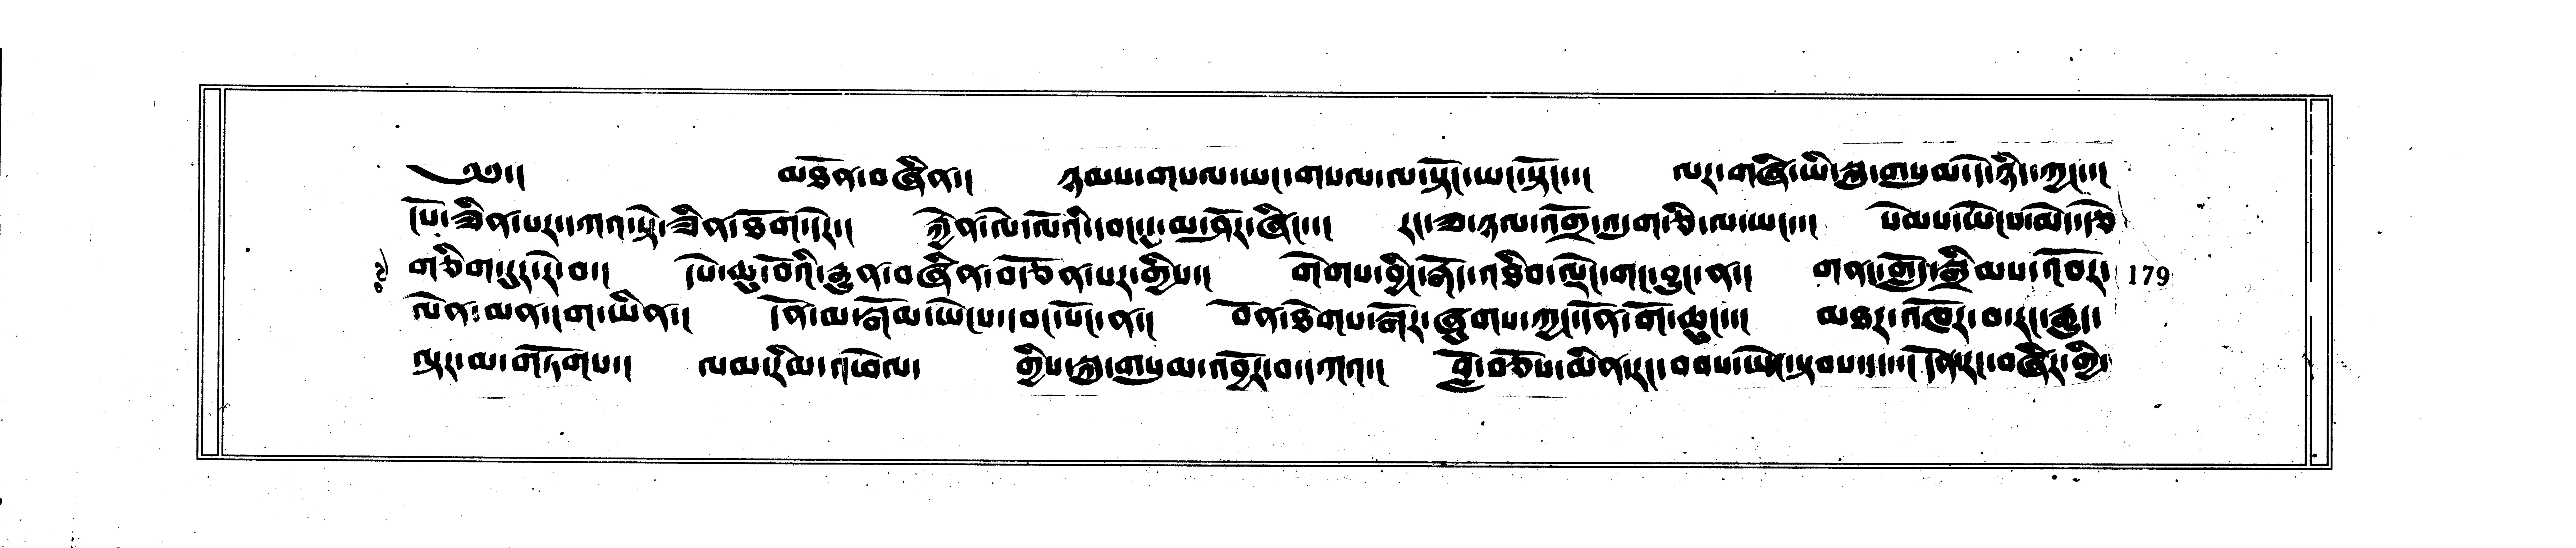མཐོན་བཞིན། །ཉམས་གསལ་ཡང་གསལ་ལ་སྟོང་ཡང་སྟོང་། །ལར་གཞི་ཡི་སྐུ་གསུམ་དེ་ཉིད་ཀྱང་། །
ངོས་ཟིན་པར་དཀའ་སྟེ་ཟིན་ཐོག་དེར། །རྐྱེན་ལེ་ལོའི་དབང་དུ་མ་ཤོར་ཞིང་། །རང་ཟ་ཉལ་འགྲོ་འདུག་ཅི་ལ་ཡང་། །སེམས་ཡེངས་མེད་རྩེ་
གཅིག་དུར་རེ་བ། །དཔེ་ཆུ་བོའི་རྒྱུན་བཞིན་བརྩོན་པར་གྱིས། །གེགས་བྱིང་རྒོད་འཐིབས་ལྡེང་གང་བྱུང་ན། །གནད་གློ་སྒྲིམས་འབོར་
ལེན་མན་ངག་ཡིན། །དོན་མ་བསྒོམ་༼རྣམ༽གཡེང་དབང་སོང་ན། །བོན་ཐེག་སྒོར་ཞུགས་ཀྱང་དོན་གོ་ཆུང་། །མཐར་འཁོར་བ་རང་རྒྱུད་
ལྟར་མ་གཏོགས། །ལམ་རིམ་འཕེལ་གྱིས་སྐུ་གསུམ་འབྱོར་བ་དཀའ། །བློ་བཅོས་མིན་རང་བབས་ཡེངས་སྟབས་དང་། །དོན་རང་གཞིར་༼བཞིན༽གྱི་